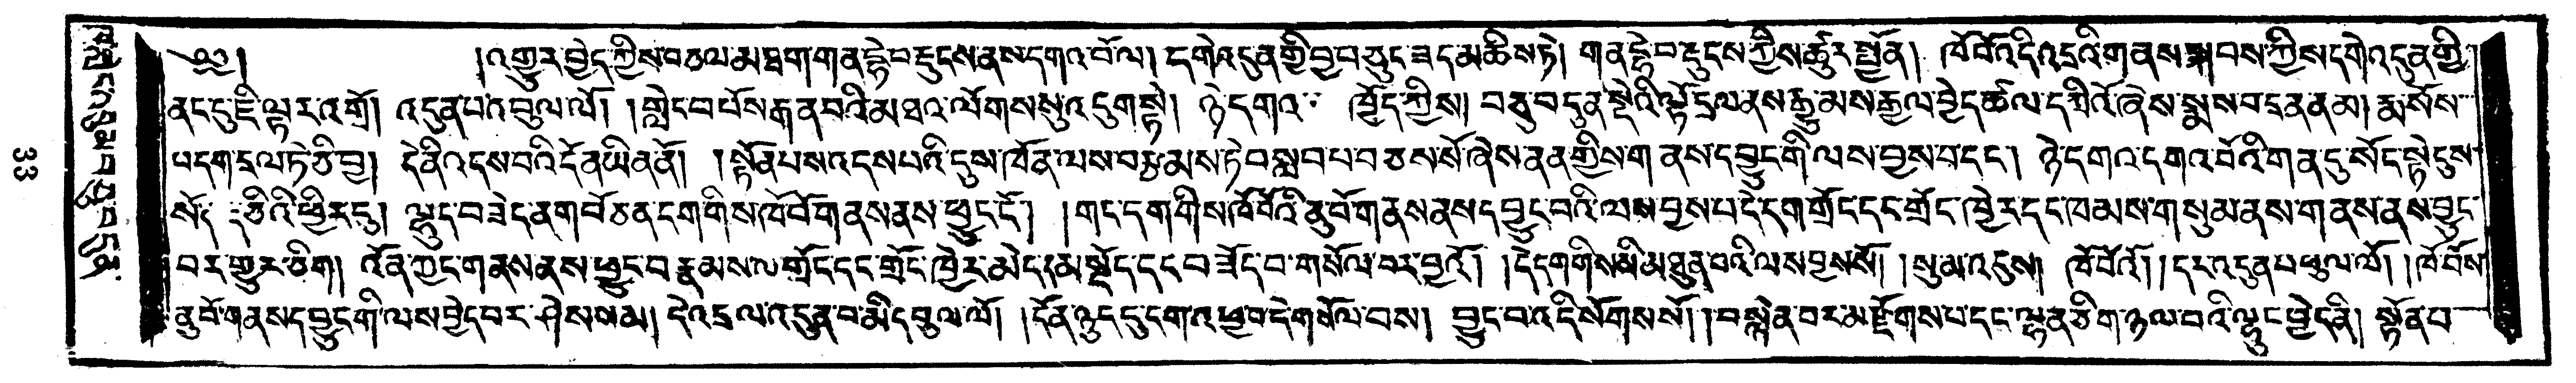༄༅། །འགྱུར་བྱེད་ཀྱིས་བཅལ་མ་ཐག་གན་དྷེ་བརྡུངས་ནས་དགའ་བོ་ལ། དགེ་འདུན་གྱི་བྱ་བ་ཅུང་ཟད་མཆིས་ཏེ། གན་དྷེ་བརྡུངས་ཀྱིས་ཚུར་སྤྱོན། ཁོ་བོ་འདི་འདྲའི་གནས་སྐབས་ཀྱིས་དགེ་འདུན་གྱི་
ནང་དུ་ཇི་ལྟར་འགྲོ། འདུན་པ་འབུལ་ལོ། །གླེང་བ་པོས་རྒན་བའི་མཐའ་ལོགས་སུ་འདུག་སྟེ། ཉེ་དགའ༑ ཁྱོད་ཀྱིས། བཅུ་བདུན་སྡེའི་ལྟོ་དྲལ་ནས་རྒྱུ་མས་རྒྱལ་བྱེད་ཚལ་དཀྲིའོ་ཞེས་སྨས་བ་དྲན་ནམ། རྨ་སོས་
བདག་དྲལ་ཏེ་ཅི་བྱ། དེ་ནི་འདས་བའི་དོན་ཡིན་ནོ། །སྟོན་པས་འདས་པའི་དུས་ཁོ་ན་ལས་བརྩམས་ཏེ་བསླབ་པ་བཅས་སོ་ཞེས་ནན་གྱིས་གནས་དབྱུང་གི་ལས་བྱས་བ་དང་། ཉེ་དགའ་དགའ་བོའི་གན་དུ་སོང་སྟེ་དུས་
སོ༑ ༑ཅིའི་ཕྱིར་དུ། ལྷུད་བཟེད་ནག་བོ་ཅན་དག་གིས་ཁོ་བོ་གནས་ནས་ཕྱུང་ངོ། །གང་དག་གིས་ཁོ་བོའི་ནུ་བོ་གནས་ནས་དབྱུང་བའི་ལས་བྱས་པ་དེ་དག་གྲོང་དང་གྲོང་ཁྱེར་དང་ཁམས་གསུམ་ནས་གནས་ནས་བྱུང་
བར་གྱུར་ཅིག། འོན་ཀྱང་གནས་ནས་ཕྱུང་བ་རྣམས་ལ་གྲོང་དང་གྲོང་ཁྱེར་མེད་དམ་སྡོད་དང་བཟོད་བ་གསོལ་བར་བྱའོ། །དེ་དག་གིས་མི་མཐུན་བའི་ལས་བྱས་སོ། །སུ་མ་འདུས། ཁོ་བོའོ། །དར་འདུན་པ་ཕུལ་ལོ། །ཁོ་བོས་
ནུ་བོ་གནས་དབྱུང་གི་ལས་བྱེད་བར་ཤེས་སམ། དེ་འདྲལ་འདུན་བ་མི་དབུལ་ལོ། །དོན་ཉུད་དུ་དག་འཕྱ་བ་དེ་གསོལ་བས། བྱུང་བ་འདི་སོགས་སོ། །བསྙེན་བར་མ་རྫོགས་པ་དང་ལྷན་ཅིག་ཉལ་བའི་ལྷུང་བྱེད་ནི། སྟོན་པ་